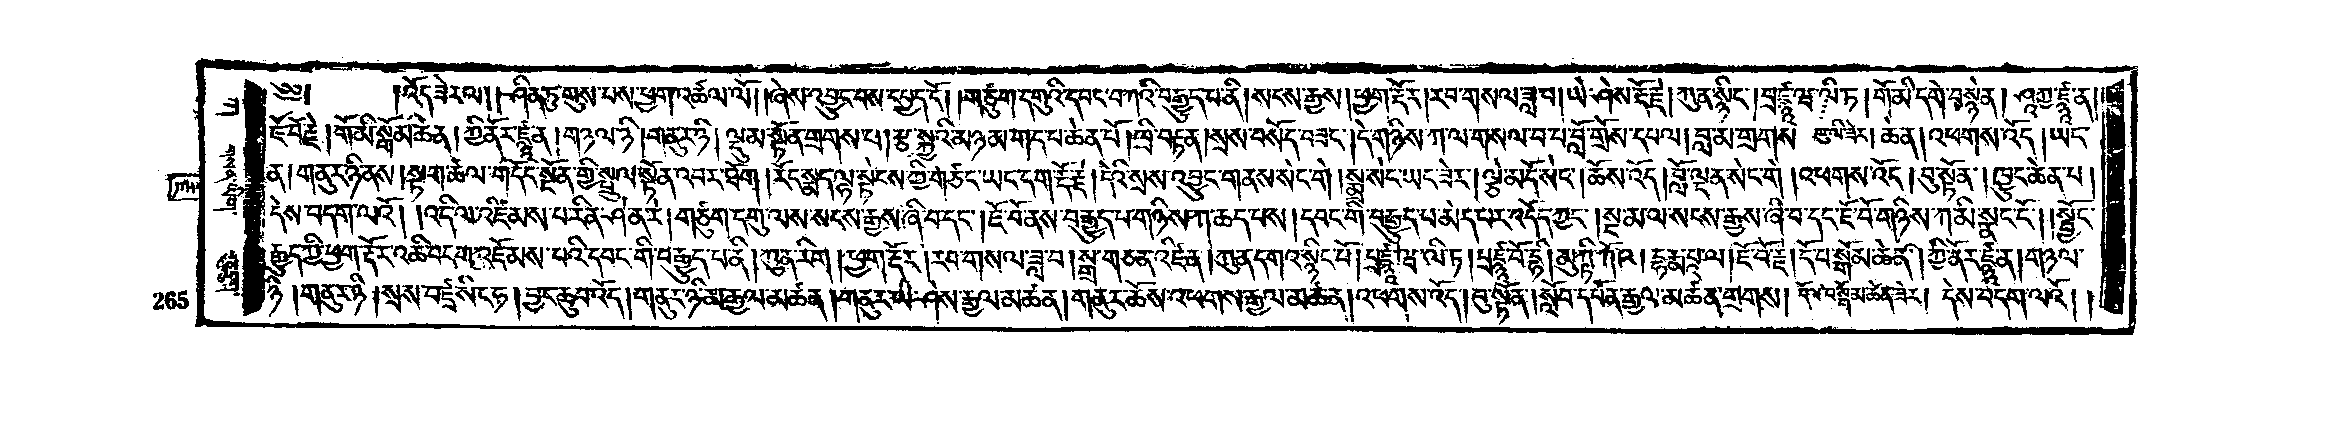༄༅། །འོད་ཟེར་ལ། །ཤིན་ཏུ་གུས་པས་ཕྱག་འཚལ་ལོ། །ཞེས་འབྱུང་བས་དཔྱད་དོ། །གཙུག་དགུའི་དབང་བཀའི་བརྒྱུད་པ་ནི། སངས་རྒྱས། ཕྱག་རྡོར། རབ་གསལ་ཟླ་བ། ཡེ་ཤེས་རྡོ་རྗེ། ཀུན་སྙིང་། པྲཛྙཱ་ཝ་གུ་ལི་ཟེར་ཏ། གོ་མི་དགེ་བསྙེན། ཤཱཀྱ་ཛྙཱ་ན། །
ཇོ་བོ་རྗེ། གོ་མི་སྒོམ་ཆེན། ཀྱི་ནོར་ཛྙཱ་ན། གཉལ་ཉི། གནུར་ཉི། ལྡུམ་སྟོན་གྲགས་པ། རྩ་སྐྱའི་མཉམ་གད་པ་ཆེན་པོ། ཁྲི་བརྟན། སྲས་བསོད་བཟང་། དེ་གཉིས་ཀ་ལ་གསལ་བ་པ་བློ་གྲོས་དཔལ། བླ་མ་གྲགས་།ཆེན། འཕགས་འོད། ཡང་
ན། གནུར་ཉི་ནས། སྟག་ཚེལ་གདོང་སྔོན་གྱི་སྤྲུལ་སྟོན་འབར་ཐོག །རོད་སྨད་ལྷ་སྟེངས་ཀྱི་གཙང་ཡང་དག་རྡོ་རྗེ། དེའི་སྲས་འབྱུང་གནས་སེང་གེ། སྨྲ་སེང་ཡང་ཟེར། ལྕེ་མདོ་སེང་། ཆོས་འོད། བློ་ལྡན་སེང་གེ །འཕགས་འོད། བུ་སྟོན། ཁྱུང་ཆེན་པ།
དེས་བདག་ལའོ། །འདི་ལ་འཛིམས་པ་རིན་ཤེ་ན་རེ། གཙུག་དགུ་ལས་སངས་རྒྱས་ཞི་བ་དང་། ཇོ་བོ་ནས་བརྒྱུད་པ་གཉིས་ཀ་ཆད་པས། དབང་གི་བརྒྱུད་པ་མེད་པར་འདོད་ཀྱང་། སྔ་མ་ལ་སངས་རྒྱས་ཞི་བ་དང་ཇོ་བོ་གཉིས་ཀ་མི་སྣང་ངོ། །སྦྱོང་
རྒྱུད་ཀྱི་ཕྱག་རྡོར་འཆི་བདག་འཇོམས་པའི་དབང་གི་བརྒྱུད་པ་ནི། ཀུན་རིག །ཕྱག་རྡོར། རབ་གསལ་ཟླ་བ། སྒྲ་གཅན་འཛིན། ཀུན་དགའ་སྙིང་པོ། པྲཛྙཱ་ཝ་ལི་ཏ། པྲཛྙཱ་བོ་དྷི། མུཀྟི་ཀོ་འ། དྷརྨ་པཱ་ལ། ཇོ་བོ་རྗེ། དོ་པ་སྒོམ་ཆེན། ཀྱི་ནོར་ཛྙཱ་ན། གཉལ་
ཉི། གནུར་ཉི། སྲས་བཛྲ་སིང་ཧ། བྱང་ཆུབ་འོད། གནུར་ཉི་མ་རྒྱལ་མཚན། གནུར་ཡེ་ཤེས་རྒྱལ་མཚན། གནུར་ཆོས་འཕགས་རྒྱལ་མཚན། འཕགས་འོད། བུ་སྟོན། སློབ་དཔོན་རྒྱལ་མཚན་གྲགས། དོལ་པ་སྒོམ་ཆེན་ཟེར། དེས་བདག་ལའོ། །